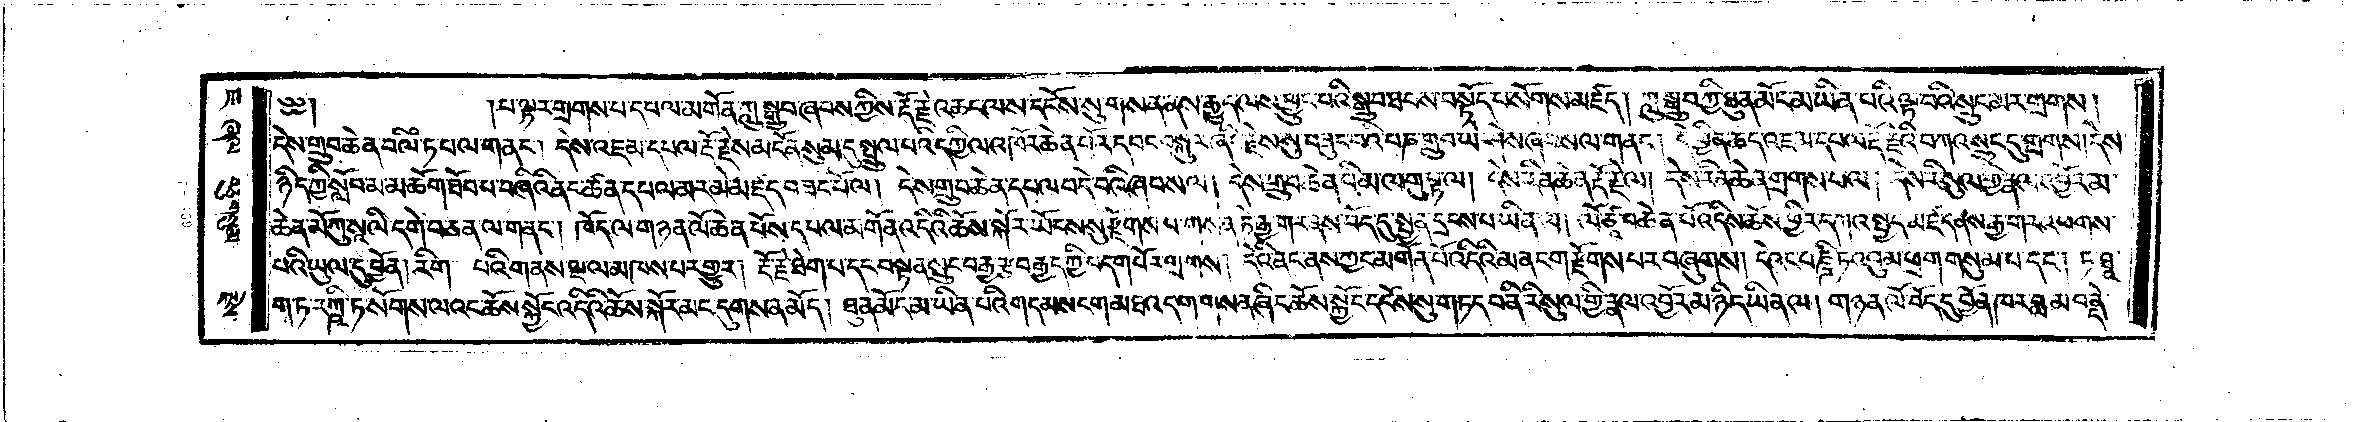༄༅། །པ་ལྟར་གྲགས་པ་དཔལ་མགོན་ཀླུ་སྒྲུབ་ཞབས་ཀྱིས་རྡོ་རྗེ་འཆང་ལས་དངོས་སུ་གསན་ནས་རྒྱུད་ལས་ཕྱུང་བའི་སྒྲུབ་ཐབས་བསྟོད་པ་སོགས་མཛད། ཀླུ་སྒྲུབ་ཀྱི་ཐུན་མོང་མ་ཡིན་པའི་ལྟ་བའི་སྲུང་མར་གྲགས།
དེས་གྲུབ་ཆེན་བ་ལིཾ་ཏ་པ་གནང་། དེས་འཇམ་དཔལ་རྡོ་རྗེས་མངོན་སུམ་དུ་སྤྲུལ་པའི་དཀྱིལ་འཁོར་ཆེན་བོར་དབང་བསྐུར་ཞིང་རྗེས་སུ་བཟུང་བའི་པཎ་གྲུབ་ཡེ་ཤེས་ཞབས་ལ་གནང་། དེ་ཕྱིན་ཆད་འཇམ་དཔལ་རྡོ་རྗེའི་བཀའ་སྲུང་དུ་གྲགས་།དེས་
ཉིད་ཀྱི་སློབ་མ་མཆོག་ཐོབ་པ་བཞིའི་ནང་ཚན་དཔལ་མར་མེ་མཛད་བཟང་པོ་ལ། དེས་གྲུབ་ཆེན་དཔལ་བདེ་བའི་ཞབས་ལ། དེས་གྲུབ་ཆེན་བིམ་ལ་གུཔྟ་ལ། དེས་རིན་ཆེན་རྡོ་རྗེ་ལ། དེས་རིན་ཆེན་གྲགས་པ་ལ། དེས་རི་སུལ་གྱི་རྣལ་འབྱོར་མ་
ཆེན་མོ་ཀུ་སཱ་ལི་དགེ་བ་ཅན་ལ་གནང་། ཁོང་ལ་གཉན་ལོ་ཆེན་པོས་དཔལ་མགོན་འདིའི་ཆོས་སྐོར་ཡོངས་སུ་རྫོགས་པ་གསན་ཏེ་རྒྱ་གར་ནས་བོད་དུ་སྤྱན་དྲངས་པ་ཡིན་ལ། ལོཙཱ་བ་ཆེན་པོ་འདིས་ཆོས་ཕྱིར་དཀའ་སྦྱད་མཛད་ནས་རྒྱ་གར་འཕགས་
པའི་ཡུལ་དུ་བྱོན། རིག་པའི་གནས་ལྔ་ལ་མཁས་པར་གྱུར། རྡོ་རྗེ་ཐེག་པ་དང་བསྟན་སྲུང་བརྒྱ་རྩ་བརྒྱད་ཀྱི་བདག་པོར་གྲགས། དེའི་ནང་ནས་ཀྱང་མགོན་པོ་འདིའི་མན་ངག་རྫོགས་པར་བཞུགས། དེའང་པཎྜི་ཏ་འབུམ་ཕྲག་གསུམ་བ་དང་། ཏ་ཐཱ་
ག་ཏ་རཀཱི་ཏ་སོགས་ལའང་ཆོས་སྐྱོང་འདིའི་ཆོས་སྐོར་མང་དུ་གསན་མོད། ཐུན་མོང་མ་ཡིན་པའི་གདམས་ངག་མཐའ་དག་གསན་ཞིང་ཆོས་སྐྱོང་དངོས་སུ་གཏད་པ་ནི་རི་སུལ་གྱི་རྣལ་འབྱོར་མ་ཉིད་ཡིན་ལ། གཉན་ལོ་བོད་དུ་བྱོན་ཁར་བླ་མ་བནྡེ་